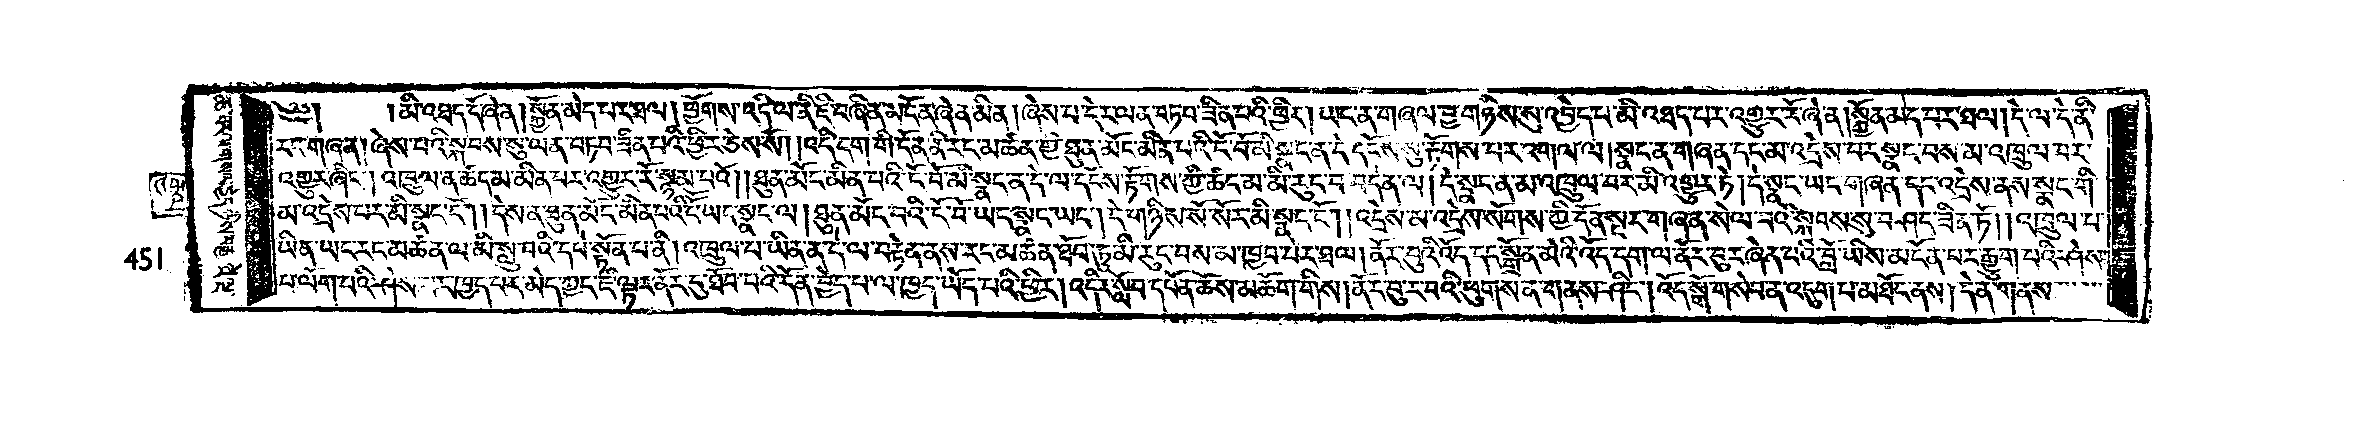༄༅། །མི་འཐད་དོ་ཞེ་ན། སྐྱོན་མེད་པར་ཐལ། ཕྱོགས་འདི་ལ་ནི་ཇི་བཞིན་མངོན་ཞེན་མིན། ཞེས་པ་དེར་ལན་བཏབ་ཟིན་པའི་ཕྱིར། ཡང་ན་གཞལ་བྱ་གཉིས་སུ་འབྱེད་པ་མི་འཐད་པར་འགྱུར་རོ་ཞེ་ན། སྐྱོན་མེད་པར་ཐལ། དེ་ལ་དེ་ནི་
རང་གཞན། ཞེས་པའི་སྐབས་སུ་ལན་བཏབ་ཟིན་པའི་ཕྱིར་ཅེས་སོ། །འདི་དག་གི་དོན་ནི་རང་མཚན་གྱི་ཐུན་མོང་མིན་པའི་ངོ་བོ་མི་སྣང་ན་དེ་དངོས་སུ་རྟོགས་པར་འགལ་ལ། སྣང་ན་གཞན་དང་མ་འདྲེས་པར་སྣང་བས་མ་འཁྲུལ་བར་
འགྱུར་ཞིང་། འཁྲུལ་ན་ཚད་མ་མིན་པར་འགྱུར་རོ་སྙམ་པའོ། །ཐུན་མོང་མིན་པའི་ངོ་བོ་མི་སྣང་ན་དེ་ལ་དངོས་རྟོགས་ཀྱི་ཚད་མ་མི་རུང་བ་བདེན་ལ། དེ་སྣང་ན་མ་འཁྲུལ་བར་མི་འགྱུར་ཏེ། དེ་སྣང་ཡང་གཞན་དང་འདྲེས་ནས་སྣང་གི་
མ་འདྲེས་པར་མི་སྣང་ངོ། །དེས་ན་ཐུན་མོང་མིན་པའི་ངོ་ཡང་སྣང་ལ། ཐུན་མོང་བའི་ངོ་བོ་ཡང་སྣང་ཡང་། དེ་གཉིས་སོ་སོར་མི་སྣང་ངོ། །འདྲེས་མ་འདྲེས་སོགས་ཀྱི་དོན་སྔར་གཞན་སེལ་བའི་སྐབས་སུ་བཤད་ཟིན་ཏོ། །འཁྲུལ་པ་
ཡིན་ཡང་རང་མཚན་ལ་མི་སླུ་བའི་དཔེ་སྟོན་པ་ནི། འཁྲུལ་པ་ཡིན་ན་དེ་ལ་བརྟེན་ནས་རང་མཚན་ཐོབ་ཏུ་མི་རུང་བས་མ་ཁྱབ་པར་ཐལ། ནོར་བུའི་འོད་དང་སྒྲོན་མེའི་འོད་དག་ལ་ནོར་བུར་ཞེན་པའི་བློ་ཡིས་མངོན་པར་རྒྱུག་པའི་ཤེས་
པ་ལོག་པའི་ཤེས་པར་ཁྱད་པར་མེད་ཀྱང་ཇི་ལྟར་ནོར་དུ་ཐོབ་པའི་དོན་བྱེད་པ་ལ་ཁྱད་ཡོད་པའི་ཕྱིར། འདིར་སློབ་དཔོན་ཆོས་མཆོག་གིས། ནོར་བུ་ར་བའི་ཕུགས་ན་གནས་ཤིང་། འོད་སྒོ་གསེབ་ན་འདུག་པ་མཐོང་ནས། དེ་ན་གནས་